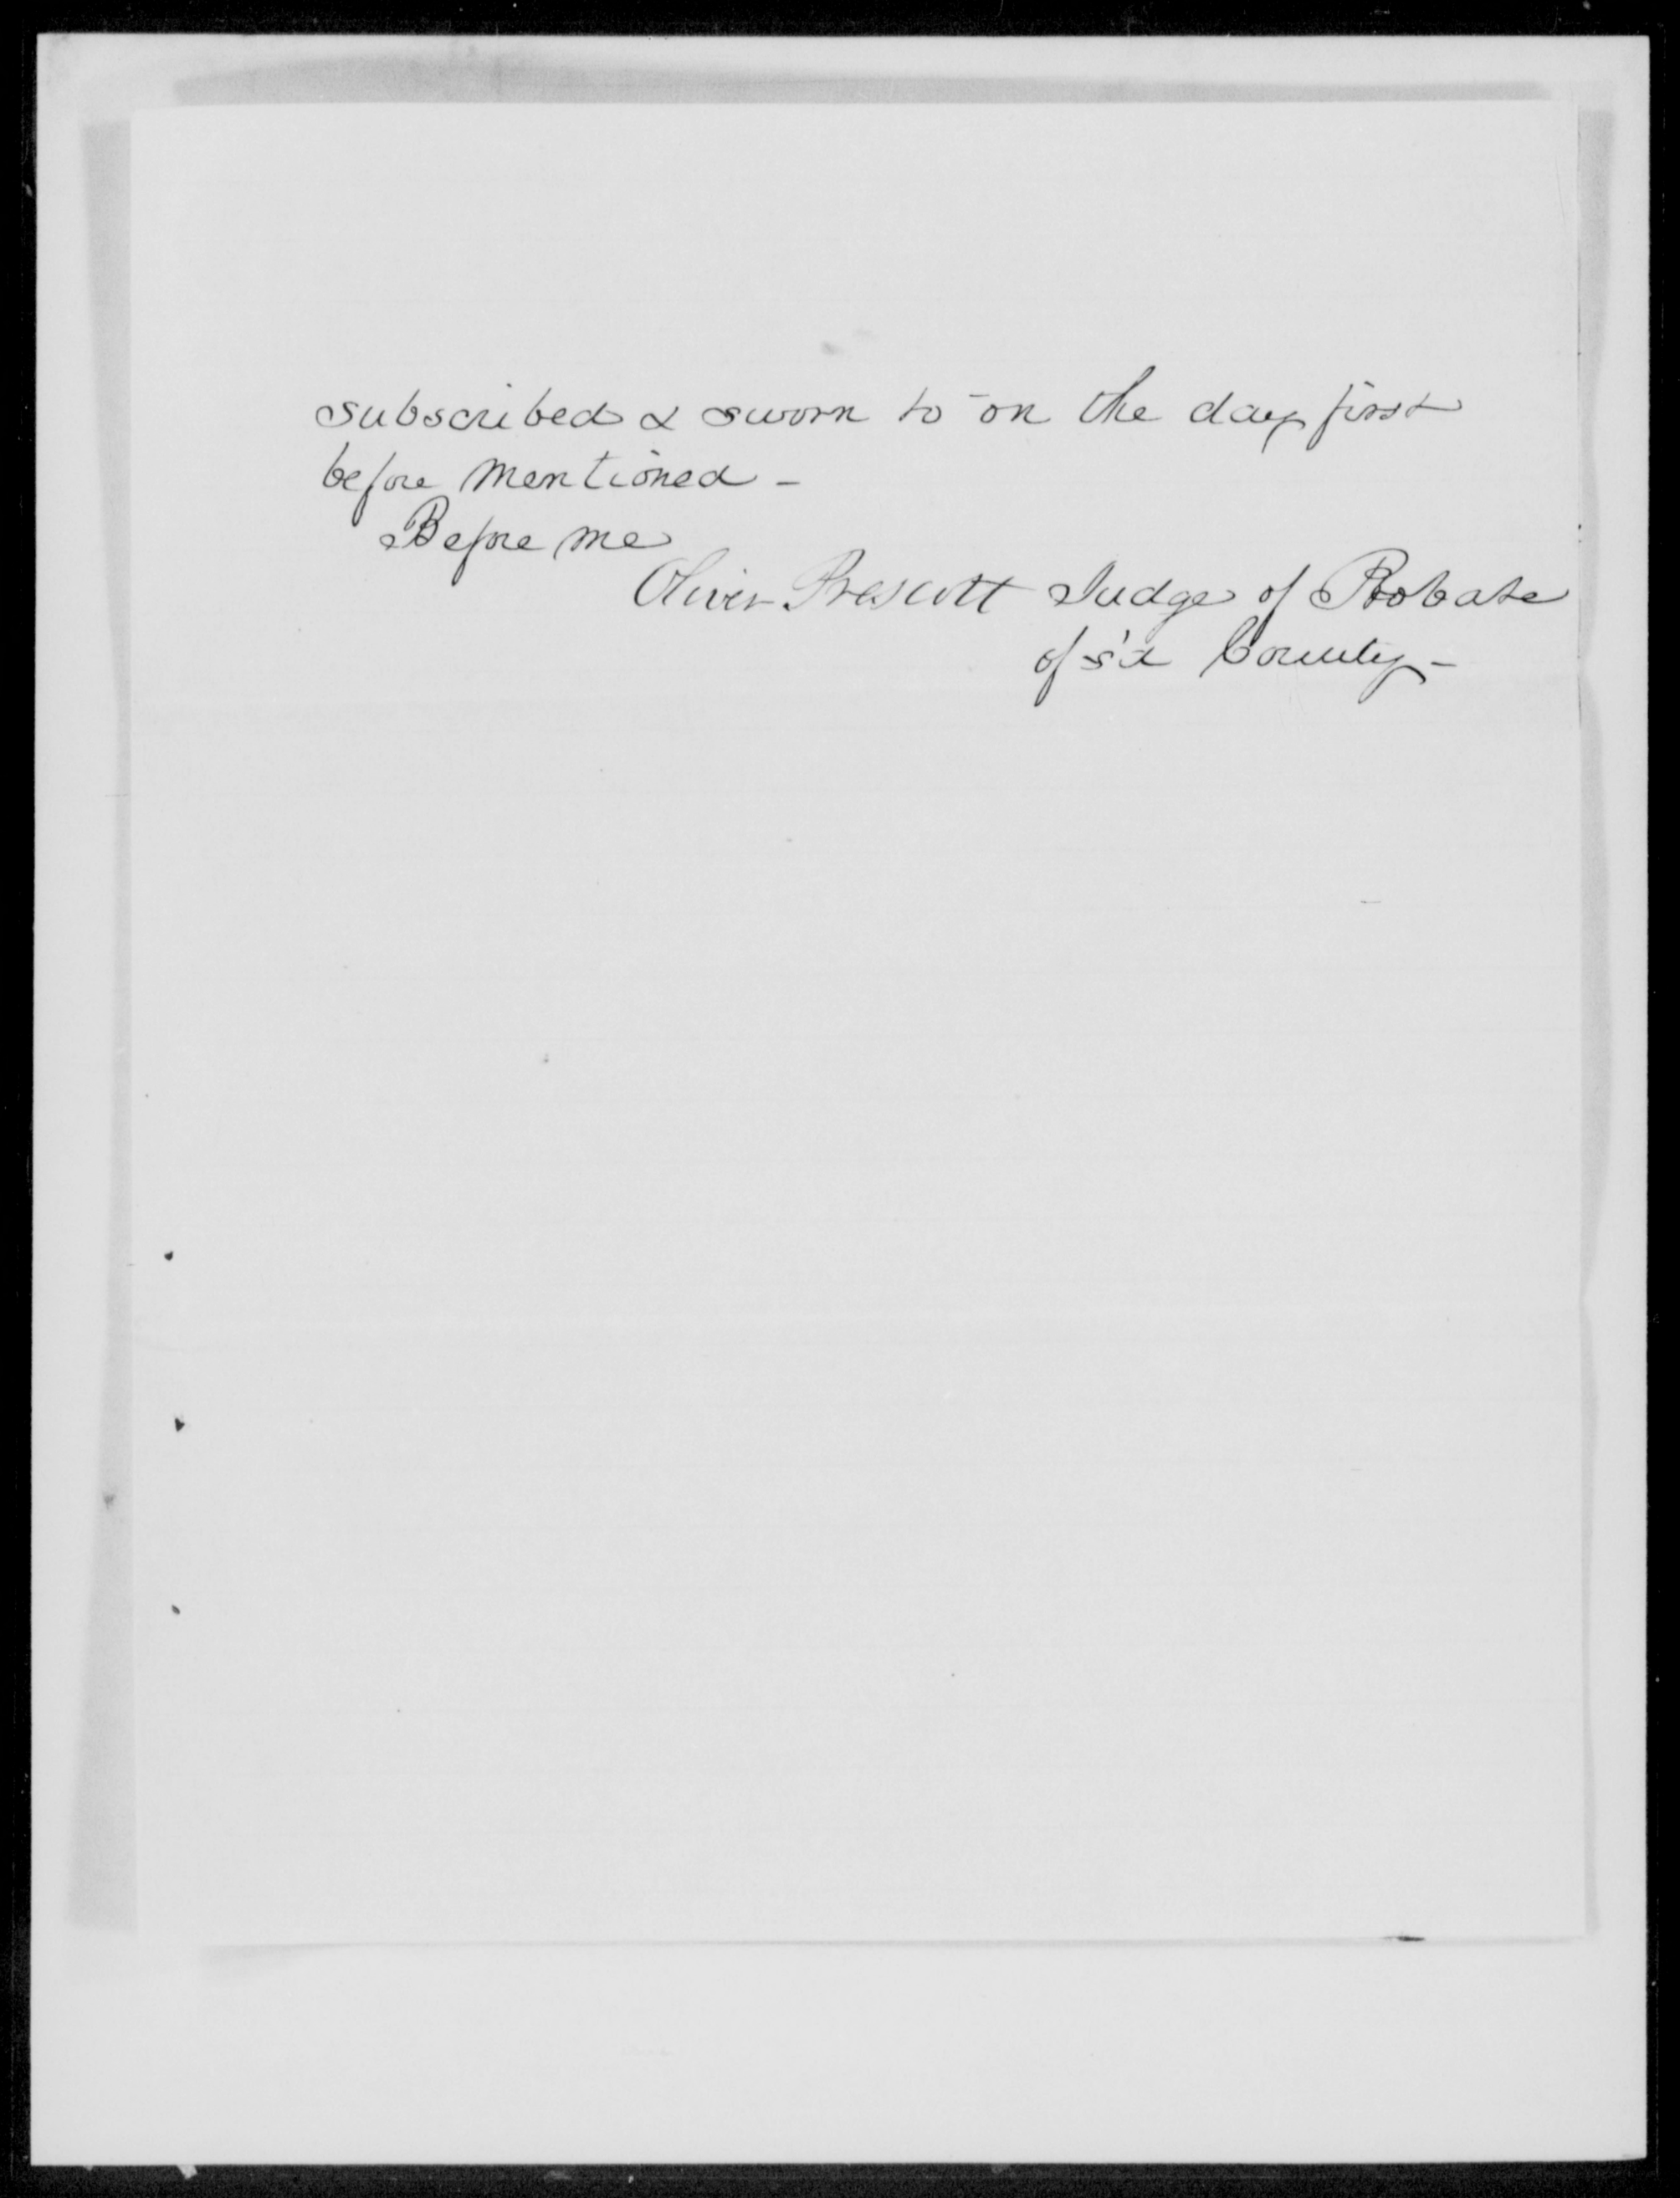subscribed & sworn to on the day first before mentioned-
    before me Oliver Prescott Judge of Probate 
             of s’d County-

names: Oliver Prescott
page: 8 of 34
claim: widow's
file: W. 1677, Isaac Washburn, Mass.